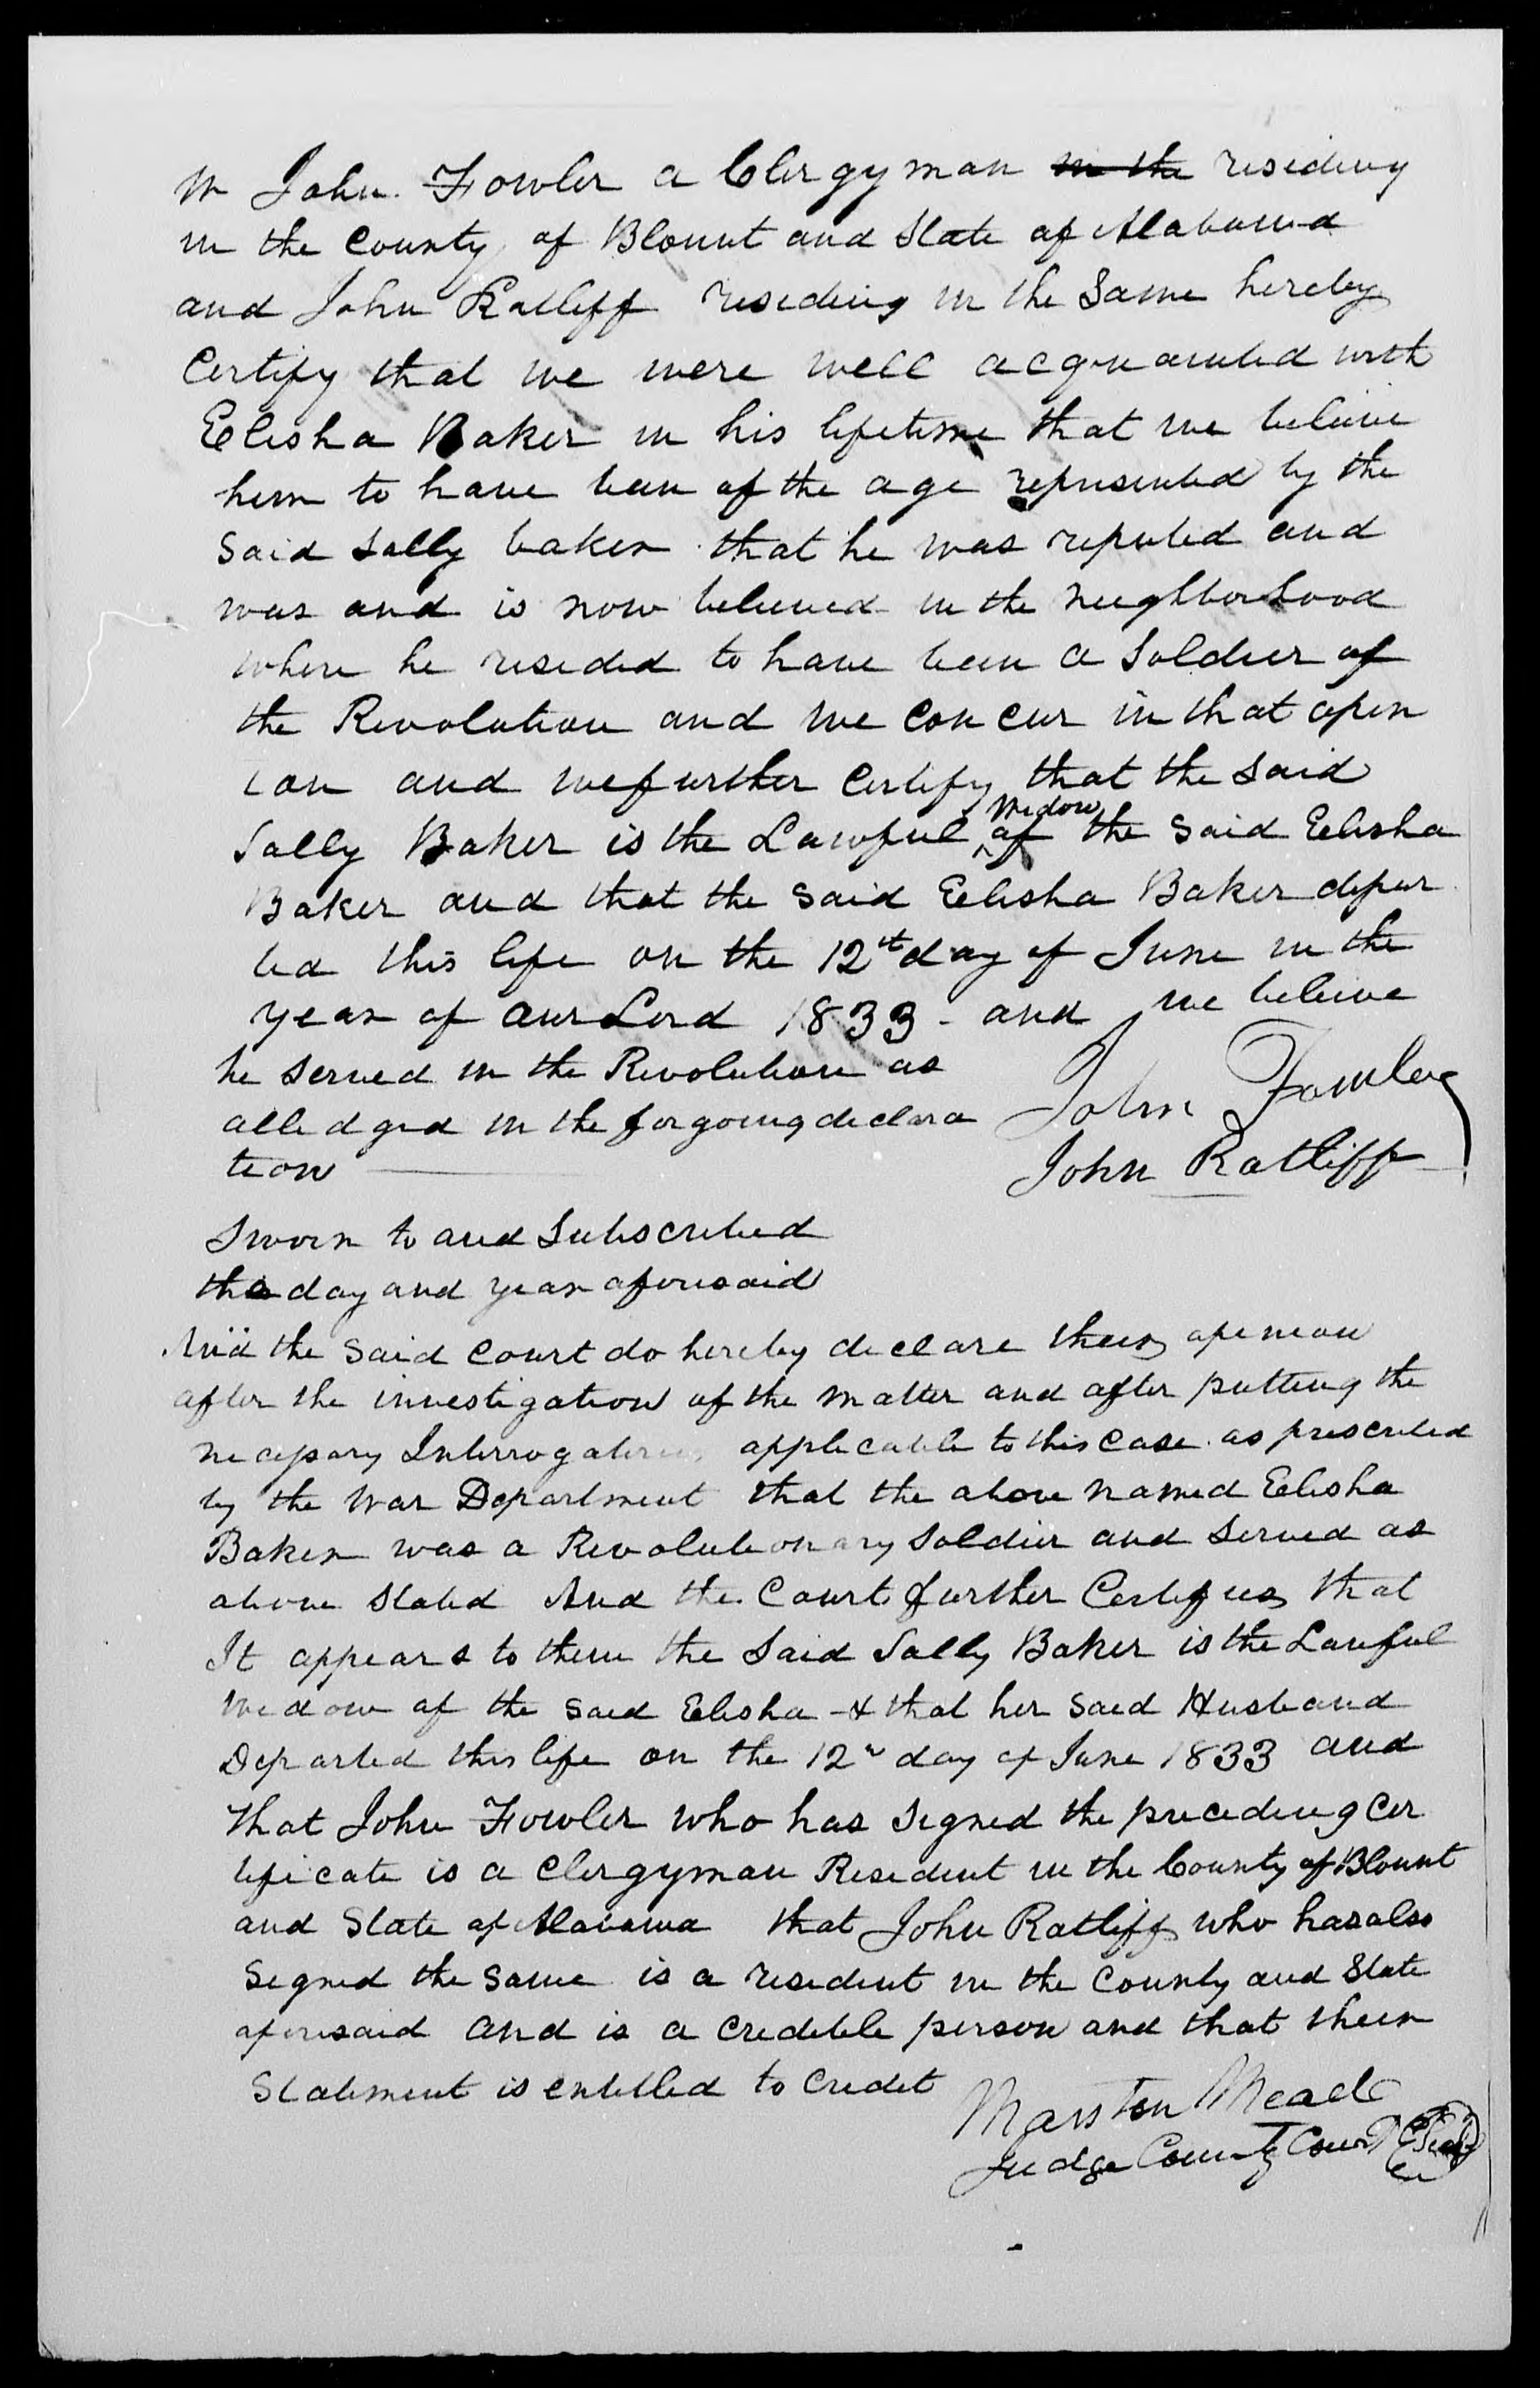Mr. John Fowler a Clergyman residing
in the County of Blount and State of Alabama and John Ratliff residing in the same hereby certify that we were well acquainted with Elisha Baker in his lifetime that we believe him to have been of the age represented by the said Sally baker that he was reputed and was and is now believed in the neighborhood where he resided to have been a soldier of the Revolution and we concur in that open
Law [?] and we further certify that the said Sally Baker is the Lawful widow of the said Elisha Baker and that the said Elisha Baker departed this life on the 12th day of June in the year of our Lord 1833 - and we believe he served in the Revolution as alledged [alleged] in the forgoing declaration
John Fowler [signed]
John Ratliff [signed]

Sworn to and subscribed the day and year aforesaid
And the said Court do hereby declare their opinion after the investigation of the matter and after putting the
necessary Interrogatory, applicable to this case as prescribed by the War Department that the above named Elisha Baker was a Revolutionary soldier and served as above stated And the Court further Certifies that It appears to them the Said Sally Baker is the Lawful widow of the said Elisha & that her said Husband Departed this life on the 12th day of June 1833 and that John Fowler who has signed the preceding certificate is a Clergyman Resident in the County of Blount and State of Alabama that John Ratliff who has also signed the same is a resident in the County and State aforesaid and is a credible person and that their statement is entitled to credit
Marston Meade [signature0
Judge County Court
Seal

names: Sally Baker, Sally Baker, Marston Mead, Elisha, John Fowler, John Fowler, Elisha Baker, John Fowler, Sally Baker, Elisha Baker, John Ratliff, John Ratliff, Elisha Baker, John Ratliff, Elisha Baker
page: 10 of 22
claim: rejected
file: R. 411, Elisha Baker, N.C.